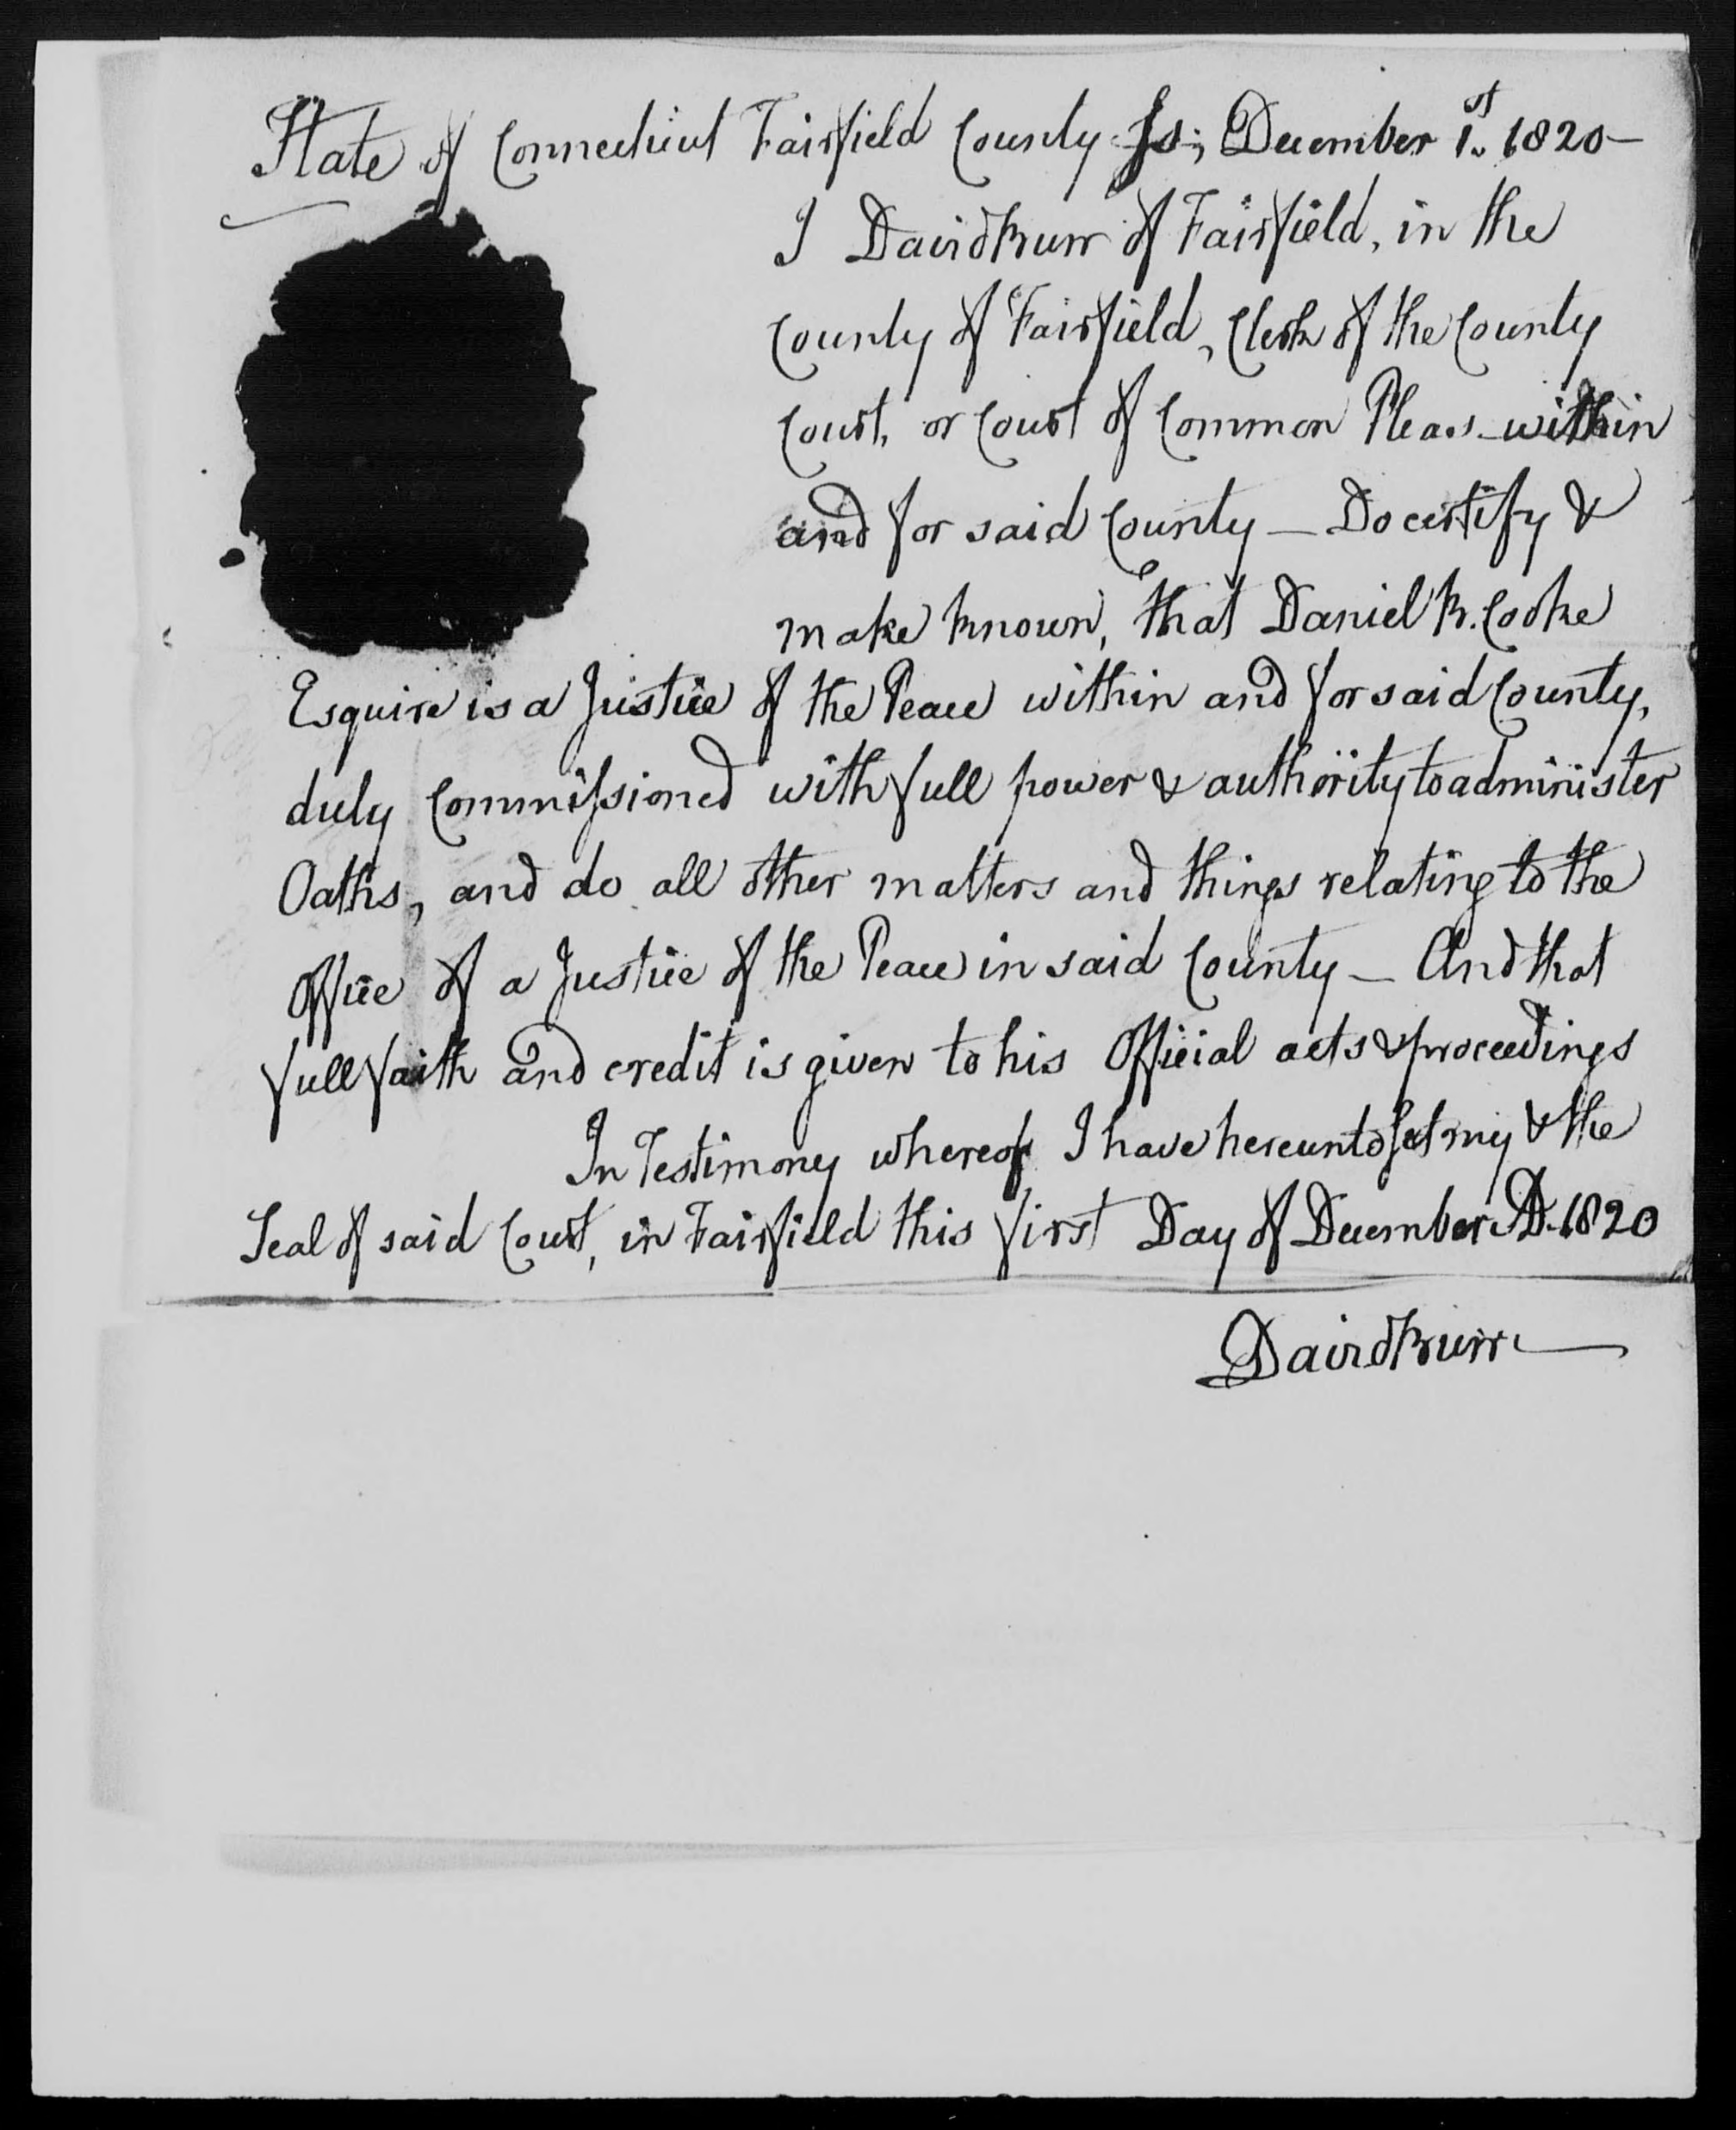State of Connecticut Fairfield County ss: December 1st 1820
I David Burr of Fairfield, in the County of Fairfield, Clerk of the County Court, or Court of Common Please within and for said County - Do certify &
make known, that Daniel B. Cooke Esquire is a Justice of the Peace within and for said County, duly commissioned with full power & authority to administer Oaths, and do all other matters and things relating to the Office of a Justice of the Peace in said County - And that full faith and credit is given to his official acts & proceedings

In Testimony whereof I have hereunto set my & the Seal of said Court, in Fairfield this first Day of December A.D. 1820
David Burr [signature]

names: Esquire, David Burr, David Burr, Daniel B Cooke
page: 36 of 39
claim: widow's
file: W. 2,056, Squire Ambler, Continental (Sol. Res. In N.Y. & Conn.)